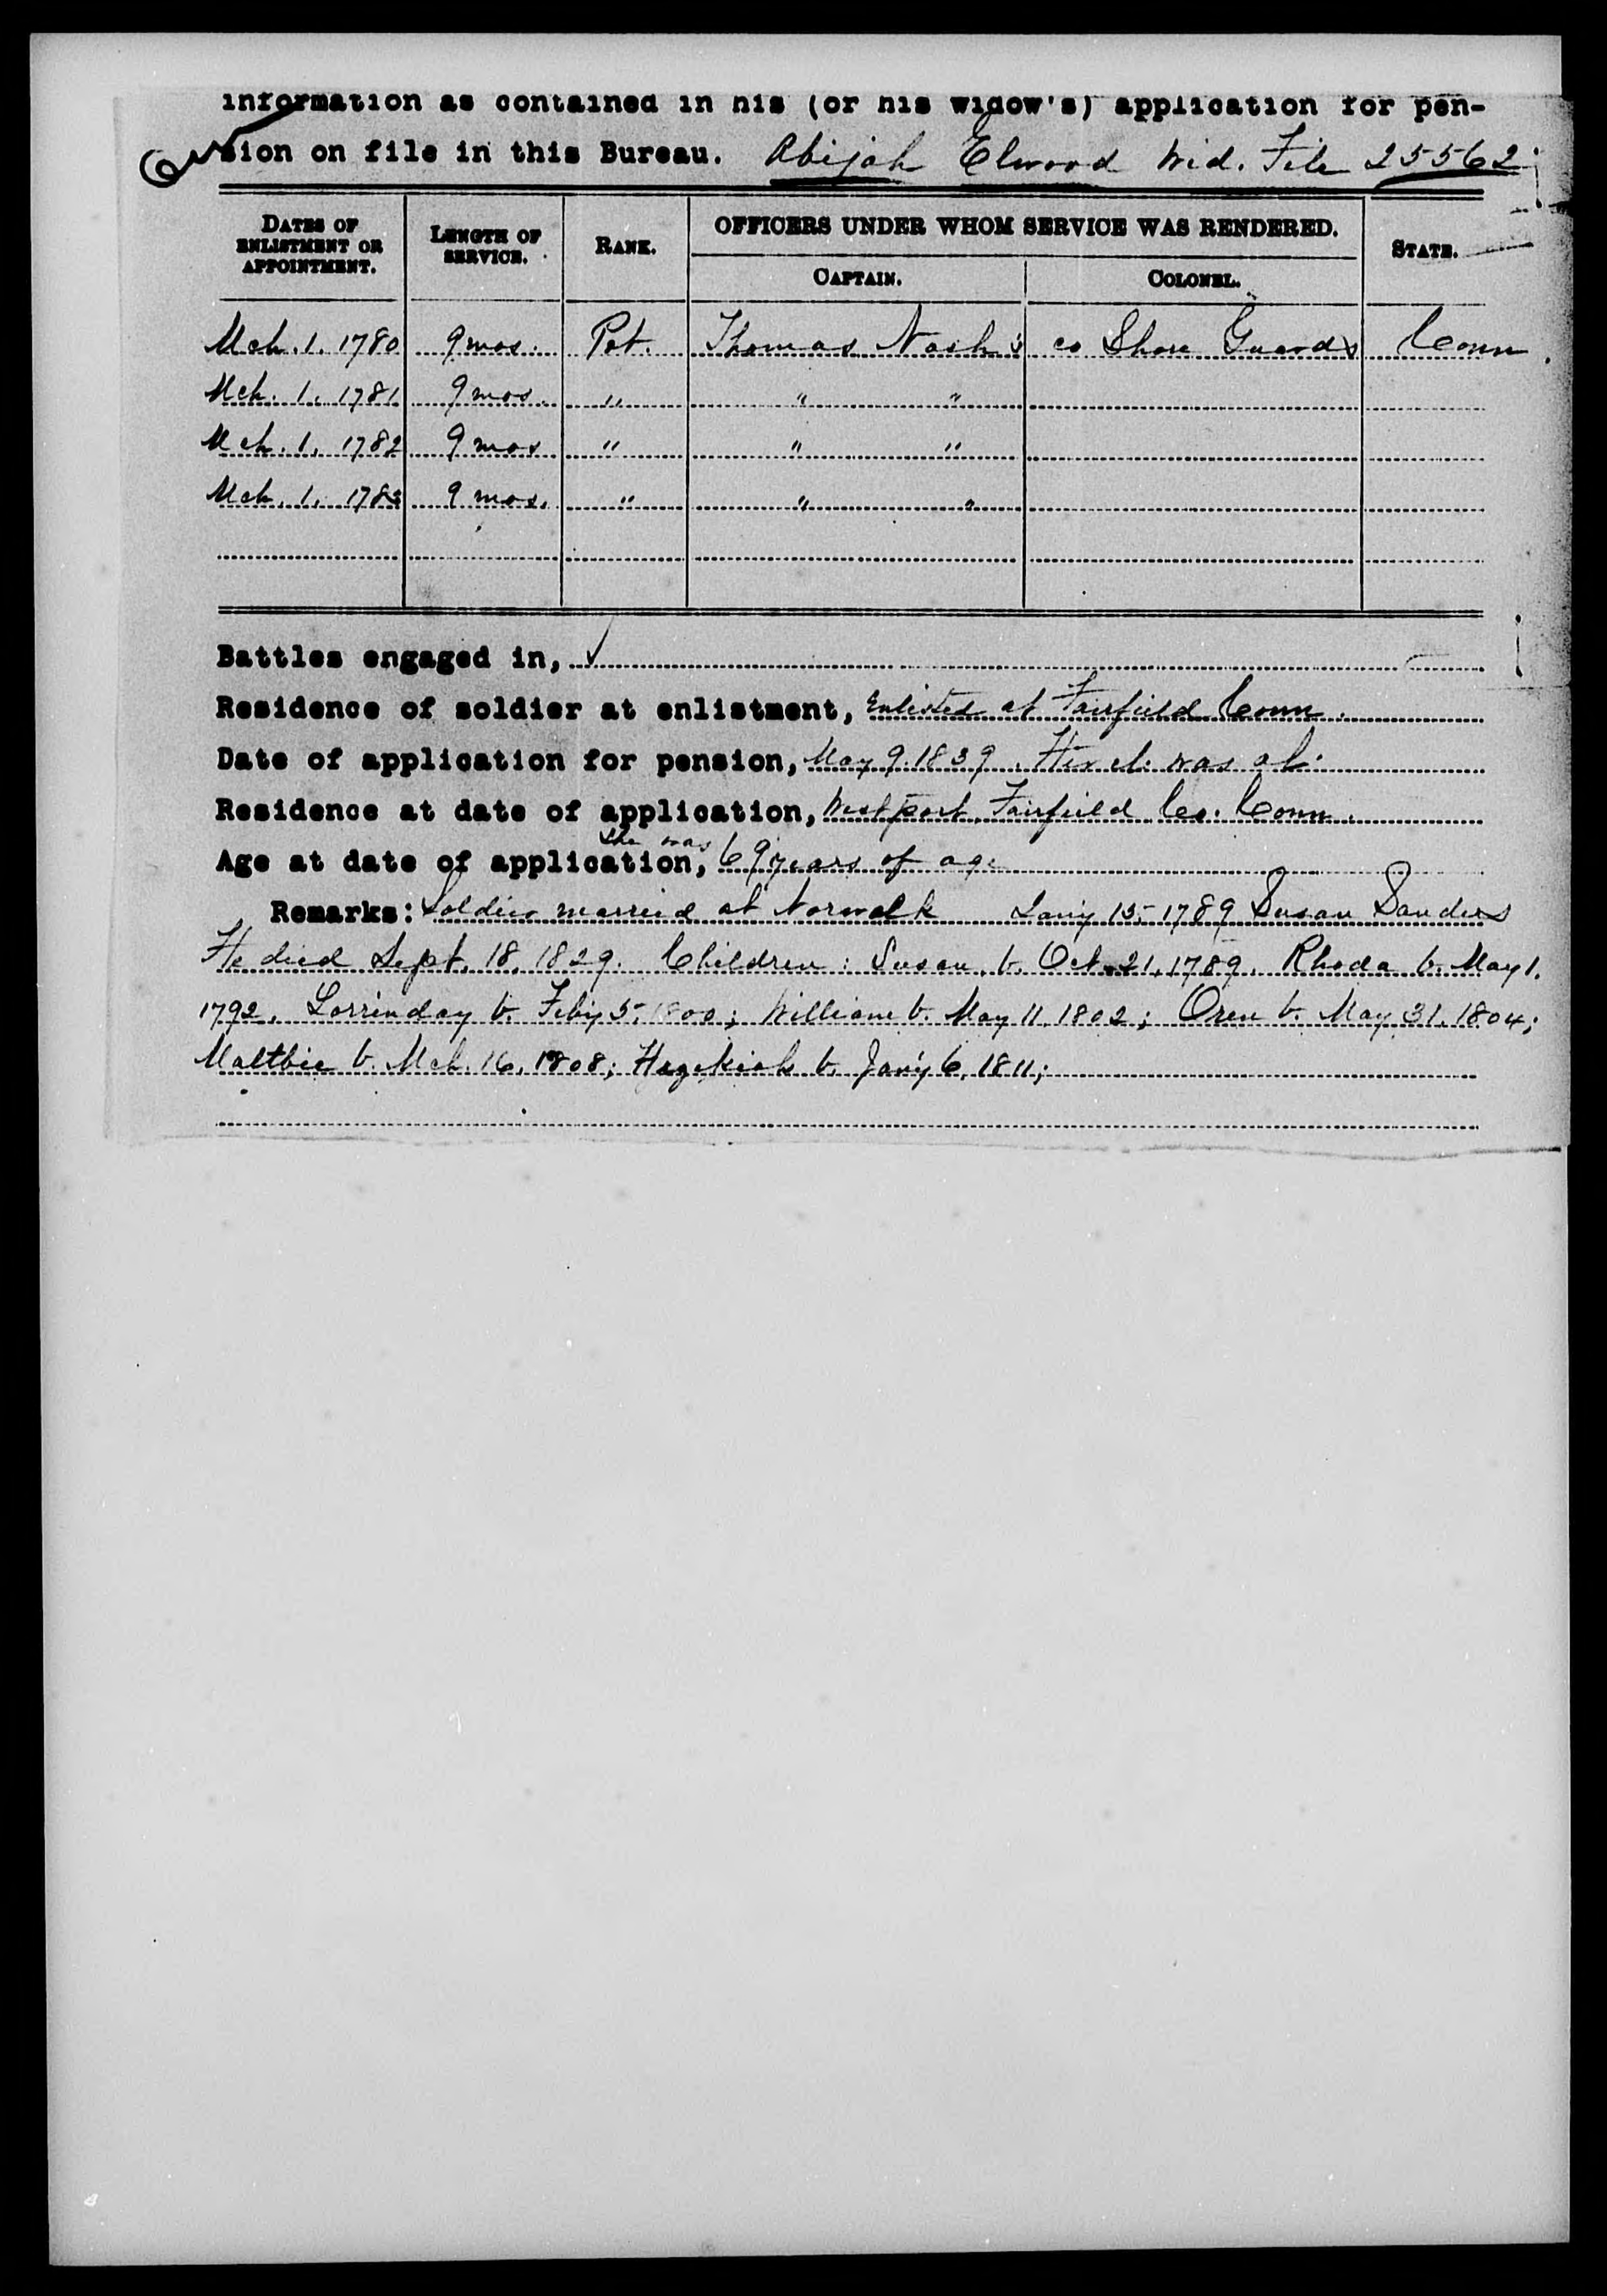information as contained in his (or his widow's) application for pension
on file in this Bureau.
Abijah Elwood mid. file 25562

DATES OF
ENLISTMENT OR
APPOINTMENT.
March 1, 1780
March 1, 1781
March 1, 1782
March 1, 1783
LENGTH OF
SERVICE.
9 mos
9 mos
9 mos
9 mos

Max
RANK.
Pet.  off
Abijah
OFFICERS UNDER WHOM SERVICE WAS RENDERED.
CAPTAIN.
Thomas Nash
COLONEL.
Shore Guards
State: Conn. 
Battles engaged in, (check mark)
Residence of soldier at enlistment, Enlisted at Fairfield Conn.
Date of application for pension, May  9, 1839  (Fl??? was ???)
 Residence at date of application, (? Westport) Fairfield  (les?). County
Age at date of application:  He was 69 years of age
Soldier married at (Normalk??) January 15, 1789, Susan Sanders
He died Sept 18, 1829. Children, Susan  b Oct 21, 1789. Rhoda b. May 1, 1792
Lorrinday b. Feb. 5. 1800, William  b. May 11, 1802, Oren  b. May 31, 1804,
Maltbie  b, Mar. 16, 1808, Hezekiah b. Jan 6, 1811,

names: Hezekiah, Thomas Nash, Abijah Elwood, Oren, William, Susan, Lorrinday, Rhoda, Maltbie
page: 8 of 69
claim: widow's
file: W. 25562, Abijah Elwood, Conn.